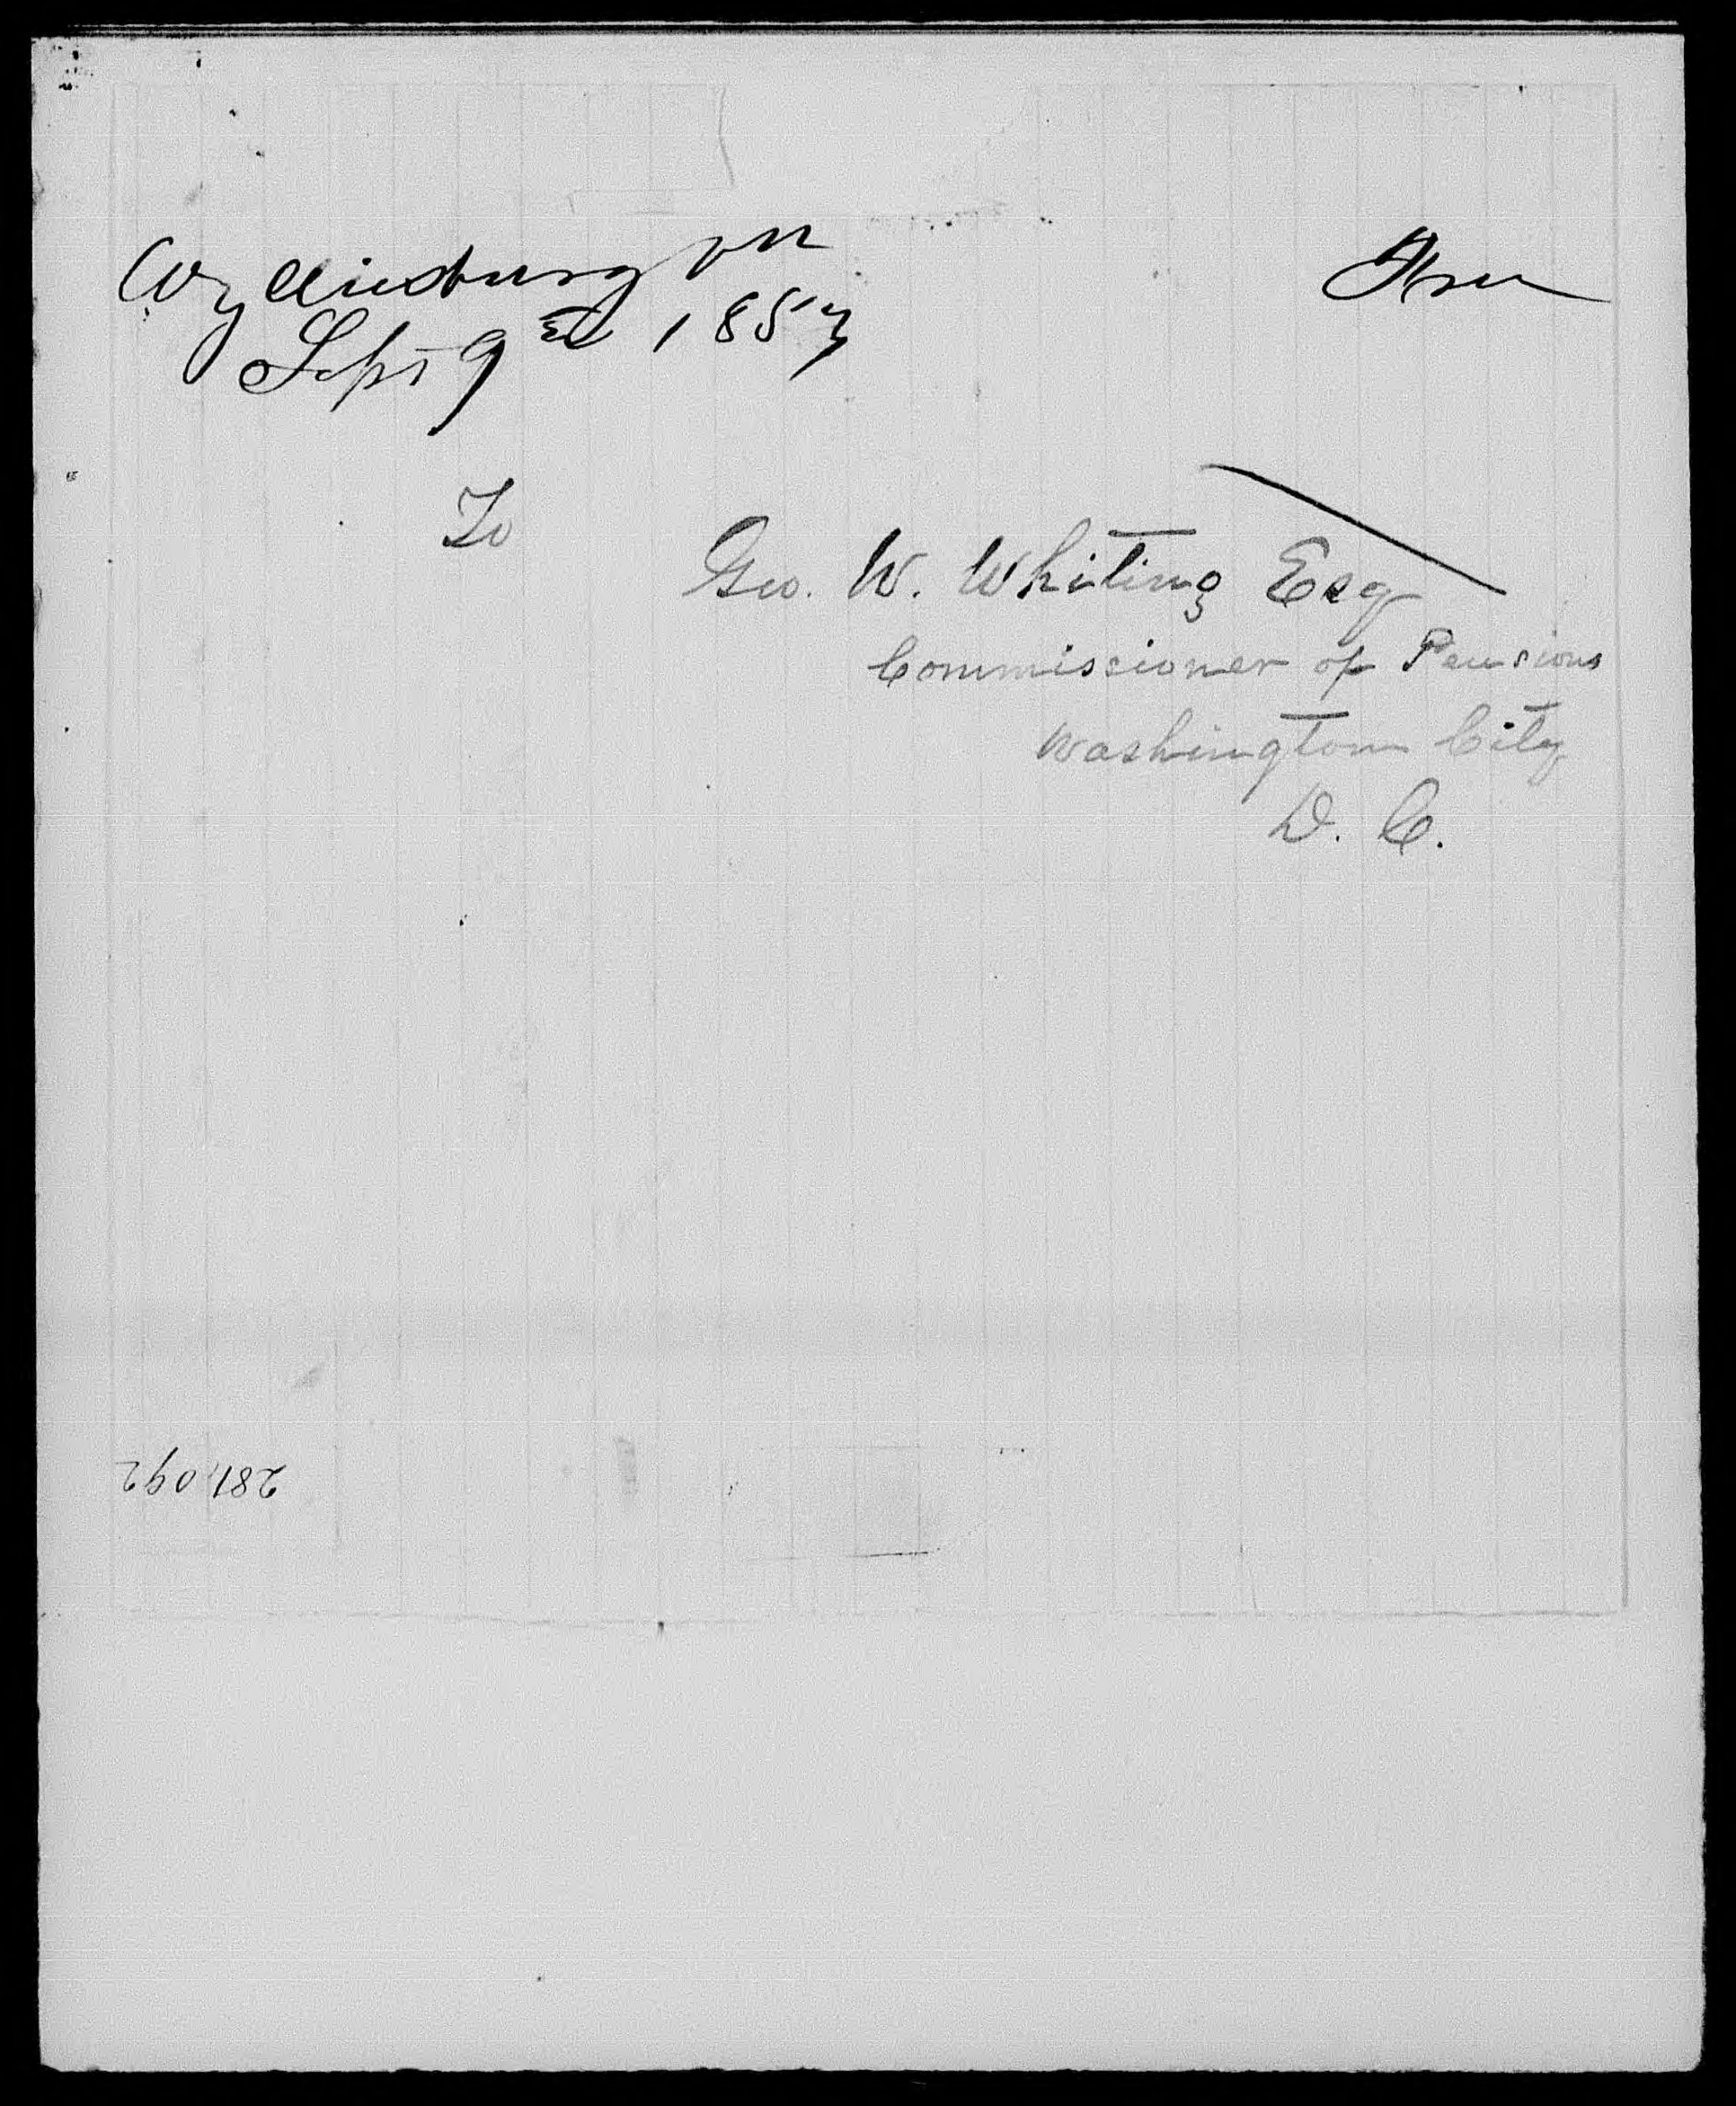[illegible] 1857

To

Geo. W. Whiting Esq
Commissioner of Pensions
Washington City
D. C. 

260486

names: Geo W Whiting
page: 7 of 8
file: B. L. Rej. 281092-1855, William Dupree, Va.